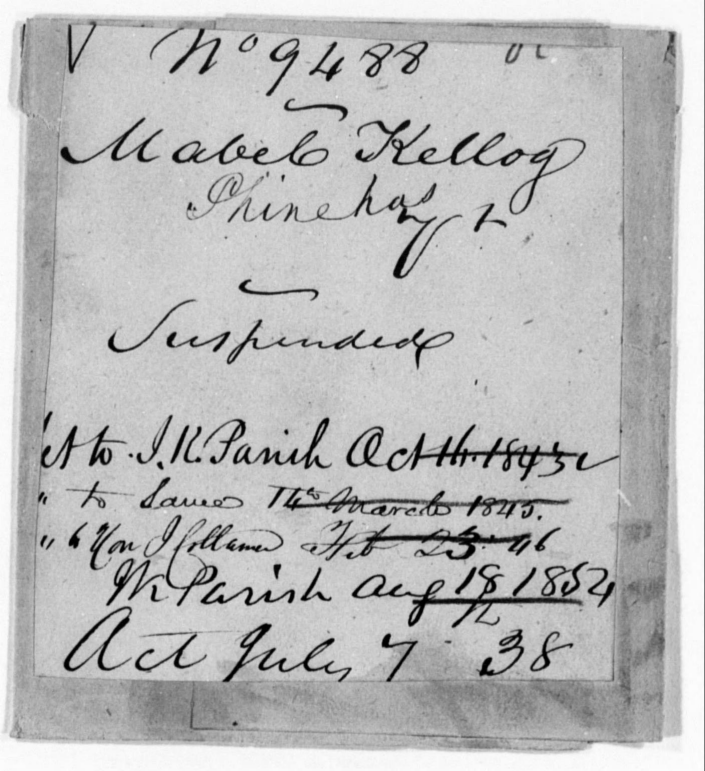No. 9488

Mabel Kellog
Phinehas  Vt

Suspended
Let to J.K. Parish Oct
" to Same
" to Hon J Collamer
W. Parish Aug 18 1854
Act July 7 38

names: J K Parish, J K Parish, Mabel Kellog, J Collamer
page: 10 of 19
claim: rejected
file: R. 5836, Elijah Andrews, Conn.